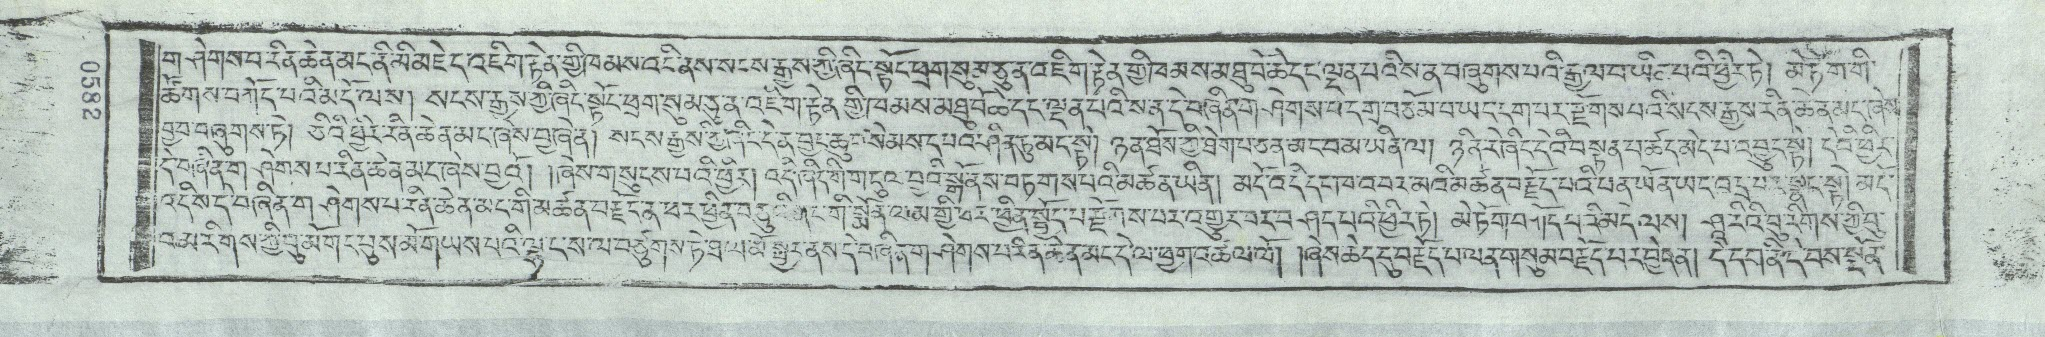གཤེགས་པ་རིན་ཆེན་མང་ནི་མི་མཇེད་འཇིག་རྟེན་གྱི་ཁམས་འདི་ནས་སངས་རྒྱས་ཀྱི་ཞིང་སྟོང་ཕྲག་སུམ་ཅུ་ན་འཇིག་རྟེན་གྱི་ཁམས་མཐུ་བོ་ཆེ་དང་ལྡན་པའི་ས་ན་བཞུགས་པའི་རྒྱལ་བ་ཡིན་པའི་ཕྱིར་ཏེ། མེ་ཏོག་གི་
ཚོགས་བཀོད་པའི་མདོ་ལས། སངས་རྒྱས་ཀྱི་ཞིང་སྟོང་ཕྲག་སུམ་ཅུ་ན་འཇིག་རྟེན་གྱི་ཁམས་མཐུ་བོ་ཆེ་དང་ལྡན་པའི་ས་ན་དེ་བཞིན་གཤེགས་པ་དགྲ་བཅོམ་པ་ཡང་དག་པར་རྫོགས་པའི་སངས་རྒྱས་རིན་ཆེན་མང་ཞེས་
བྱ་བ་བཞུགས་ཏེ། ཅིའི་ཕྱིར་རིན་ཆེན་མང་ཞེས་བྱ་ཞེ་ན། སངས་རྒྱས་ཀྱི་ཞིང་དེ་ན་བྱང་ཆུབ་སེམས་དཔའི་ཤིན་ཏུ་མང་སྟེ། ཉན་ཐོས་ཀྱི་ཐེག་པ་ཅན་མང་བ་མ་ཡིན་ལ། ཉིན་རེ་ཞིང་དེའི་བསྟན་པ་ཚད་མེད་པ་འབྱུང་སྟེ། དེའི་ཕྱིར་
དེ་བཞིན་གཤེགས་པ་རིན་ཆེན་མང་ཞེས་བྱའོ། །ཞེས་གསུངས་པའི་ཕྱིར། འདི་ཞིང་གི་གདུལ་བྱའི་སྒོ་ནས་བཏགས་པའི་མཚན་ཡིན། མདོ་འདི་དང་ཁ་འབར་མའི་མཚན་བརྗོད་པའི་ཕན་ཡོན་ཡང་འདྲ་པར་སྣང་སྟེ། མདོ་
འདིས་དེ་བཞིན་གཤེགས་པ་རིན་ཆེན་མང་གི་མཚན་བརྗོད་ན་ཕར་ཕྱིན་བཅུའི་ནང་གི་སྨོན་ལམ་གྱི་ཕར་ཕྱིན་སྦྱོད་པ་རྫོགས་པར་འགྱུར་བར་བཤད་པའི་ཕྱིར་ཏེ། མེ་ཏོག་བཀོད་པའི་མདོ་ལས། ཤཱ་རིའི་བུ་རིགས་ཀྱི་བུ་
འམ་རིགས་ཀྱི་བུ་མོ་གང་པུས་མོ་གཡས་པའི་ལྷ་ངས་ལ་བཙུགས་ཏེ་ཐལ་མོ་སྦྱར་ནས་དེ་བཞིན་གཤེགས་པ་རིན་ཆེན་མང་དེ་ལ་ཕྱག་འཚལ་ལོ། །ཞེས་ཆེད་དུ་བརྗོད་པ་ལན་གསུམ་བརྗོད་པར་བྱེད་ན། དེ་དག་ནི་དེ་བས་སྔོན་